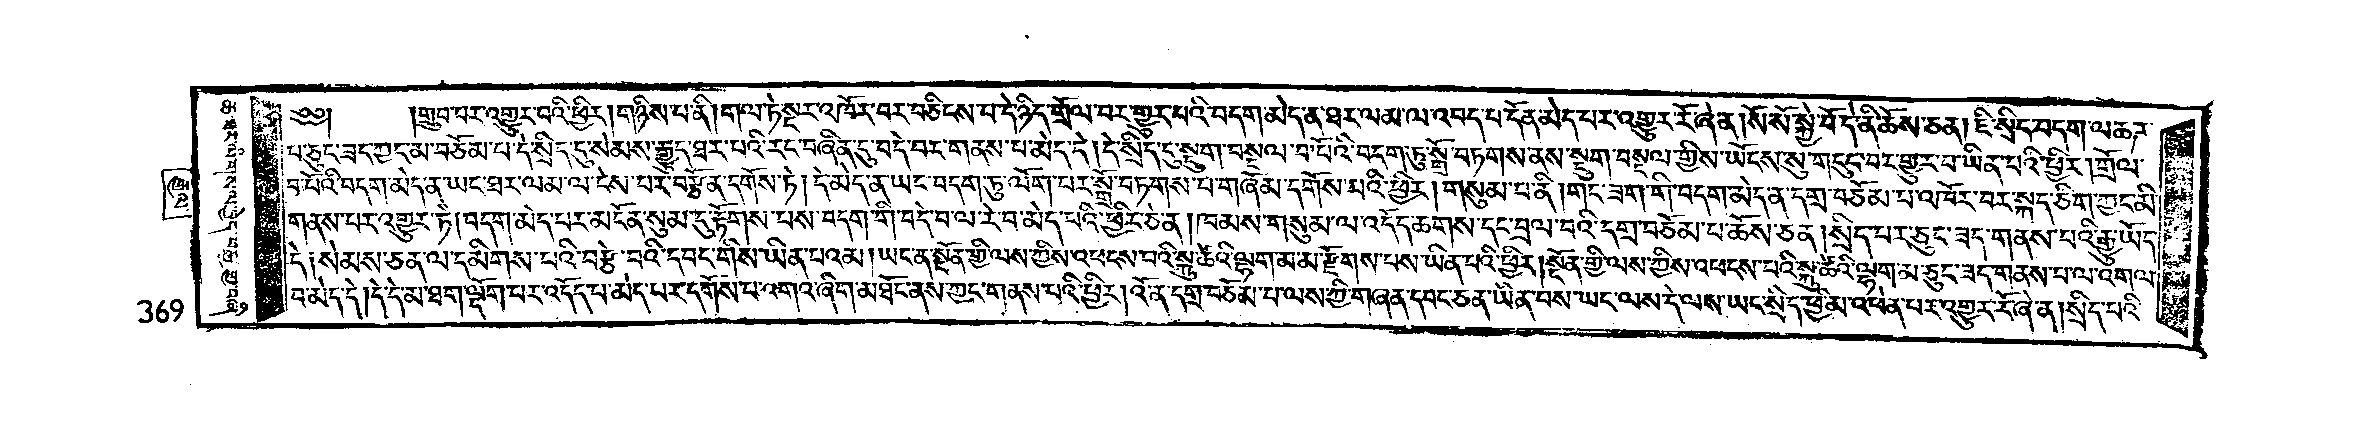༄༅། །གྲུབ་པར་འགྱུར་བའི་ཕྱིར། གཉིས་པ་ནི། གལ་ཏེ་སྔར་འཁོར་བར་བཅིངས་པ་དེ་ཉིད་གྲོལ་བར་གྱུར་པའི་བདག་མེད་ན་ཐར་ལམ་ལ་འབད་པ་དོན་མེད་པར་འགྱུར་རོ་ཞེ་ན། སོ་སོ་སྐྱེ་བོ་དེ་ནི་ཆོས་ཅན། ཇི་སྲིད་བདག་ལ་ཆགས་
པ་ཅུང་ཟད་ཀྱང་མ་བཅོམ་པ་དེ་སྲིད་དུ་སེམས་རྒྱུད་ཐར་པའི་རང་བཞིན་དུ་བདེ་བར་གནས་པ་མེད་དེ། དེ་སྲིད་དུ་སྡུག་བསྔལ་བ་པོའི་བདག་ཏུ་སྒྲོ་བཏགས་ནས་སྡུག་བསྔལ་གྱིས་ཡོངས་སུ་གདུང་བར་གྱུར་བ་ཡིན་པའི་ཕྱིར། གྲོལ་
བ་པོའི་བདག་མེད་ན་ཡང་ཐར་ལམ་ལ་ངེས་པར་བརྩོན་དགོས་ཏེ། དེ་མེད་ན་ཡང་བདག་ཏུ་ལོག་པར་སྒྲོ་བཏགས་པ་གཞོམ་དགོས་པའི་ཕྱིར། གསུམ་པ་ནི། གང་ཟག་གི་བདག་མེད་ན་དགྲ་བཅོམ་པ་འཁོར་བར་སྐད་ཅིག་ཀྱང་མི་
གནས་པར་འགྱུར་ཏེ། བདག་མེད་པར་མངོན་སུམ་དུ་རྟོགས་པས་བདག་གི་བདེ་བ་ལ་རེ་བ་མེད་པའི་ཕྱིར་ཅེ་ན། ཁམས་གསུམ་ལ་འདོད་ཆགས་དང་བྲལ་བའི་དགྲ་བཅོམ་པ་ཆོས་ཅན། སྲིད་པར་ཅུང་ཟད་གནས་པའི་རྒྱུ་ཡོད་
དེ། སེམས་ཅན་ལ་དམིགས་པའི་བརྩེ་བའི་དབང་གིས་ཡིན་པའམ། ཡང་ན་སྔོན་གྱི་ལས་ཀྱིས་འཕངས་པའི་སྐུ་ཚེའི་ལྷག་མ་མ་རྫོགས་པས་ཡིན་པའི་ཕྱིར། སྔོན་གྱི་ལས་ཀྱིས་འཕངས་པའི་སྐུ་ཚེའི་ལྷག་མ་ཅུང་ཟད་གནས་པ་ལ་འགལ་
བ་མེད་དེ། དེ་དེ་མ་ཐག་ལྡོག་པར་འདོད་པ་མེད་པར་དགོས་པ་འགའ་ཞིག་མཐོང་ནས་ཀྱང་གནས་པའི་ཕྱིར། འོ་ན་དགྲ་བཅོམ་པ་ལས་ཀྱི་གཞན་དབང་ཅན་ཡིན་པས་ཡང་ལས་དེ་ལས་ཡང་སྲིད་ཕྱི་མ་འཕེན་པར་འགྱུར་རོ་ཞེ་ན། སྲིད་པའི་